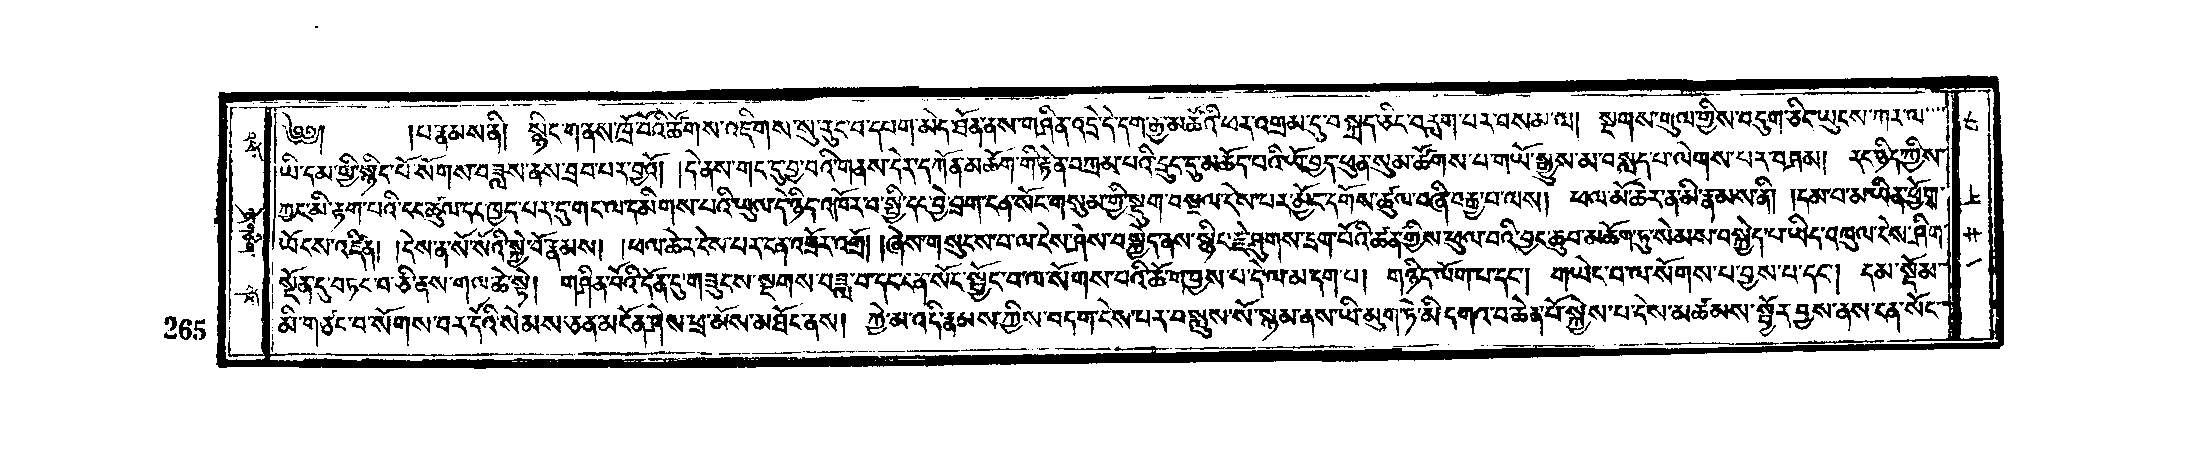༄༅། །པ་རྣམས་ནི། སྙིང་ག་ནས་ཁྲོ་བོའི་ཚོགས་འཇིགས་སུ་རུང་བ་དཔག་མེད་ཐོན་ནས་གཤིན་འདྲེ་དེ་དག་རྒྱ་མཚོའི་ཕར་འགྲམ་དུ་བསྐྲད་ཅིང་བརླག་པར་བསམ་ལ། སྔགས་གུལ་གྱིས་བདུག་ཅིང་ཡུངས་ཀར་ལ་
ཡི་དམ་གྱི་སྙིང་པོ་སོགས་བཟླས་ནས་བྲབ་པར་བྱའོ། །དེ་ནས་གང་དུ་བྱ་བའི་གནས་དེར་དཀོན་མཆོག་གི་རྟེན་བཀྲམ་པའི་དྲུང་དུ་མཆོད་པའི་ཡོ་བྱད་ཕུན་སུམ་ཚོགས་པ་གཡོ་སྒྱུས་མ་བསླད་པ་ལེགས་པར་བཤམ། རང་ཉིད་ཀྱིས་
ཀྱང་མི་རྟག་པའི་ངང་ཚུལ་དང་ཁྱད་པར་དུ་གང་ལ་དམིགས་པའི་ཡུལ་དེ་ཉིད་འཁོར་བ་སྤྱི་དང་བྱེ་བྲག་ངན་སོང་གསུམ་གྱི་སྡུག་བསྔལ་ངེས་པར་མྱོང་དགོས་ཚུལ་བཞི་བརྒྱ་པ་ལས། ཕལ་མོ་ཆེར་ན་མི་རྣམས་ནི། །དམ་པ་མ་ཡིན་ཕྱོགས་
ཡོངས་འཛིན། །དེས་ན་སོ་སོའི་སྐྱེ་བོ་རྣམས། །ཕལ་ཆེར་ངེས་པར་ངན་འགྲོར་འགྲོ། །ཞེས་གསུངས་པ་ལ་ངེས་ཤེས་བསྐྱེད་ནས་སྙིང་རྗེ་ཤུགས་དྲག་པོའི་ཚན་གྱིས་ཕུལ་པའི་བྱང་ཆུབ་མཆོག་ཏུ་སེམས་བསྐྱེད་པ་ཡིད་འཁུལ་ངེས་ཤིག་
སྔོན་དུ་བཏང་བ་ཅི་ནས་གལ་ཆེ་སྟེ། གཤིན་པོའི་དོན་དུ་གཟུངས་སྔགས་བཟླ་བ་དང་ངན་སོང་སྦྱོང་བ་ལ་སོགས་པའི་ཆོ་ག་བྱས་པ་དེ་ལ་མ་དག་པ། གཉིད་ལོག་པ་དང་། གཡེང་བ་ལ་སོགས་པ་བྱས་པ་དང་། དམ་སྡོམ་
མི་གཙང་བ་སོགས་བར་དོའི་སེམས་ཅན་མངོན་ཤེས་ཕྲ་མོས་མཐོང་ནས། ཀྱེ་མ་འདི་རྣམས་ཀྱིས་བདག་ངེས་པར་བསླུས་སོ་སྙམ་ནས་ཡི་མུག་ཏེ་མི་དགའ་བ་ཆེན་པོ་སྐྱེས་པ་ངེས་མཚམས་སྦྱོར་བྱས་ནས་ངན་སོང་